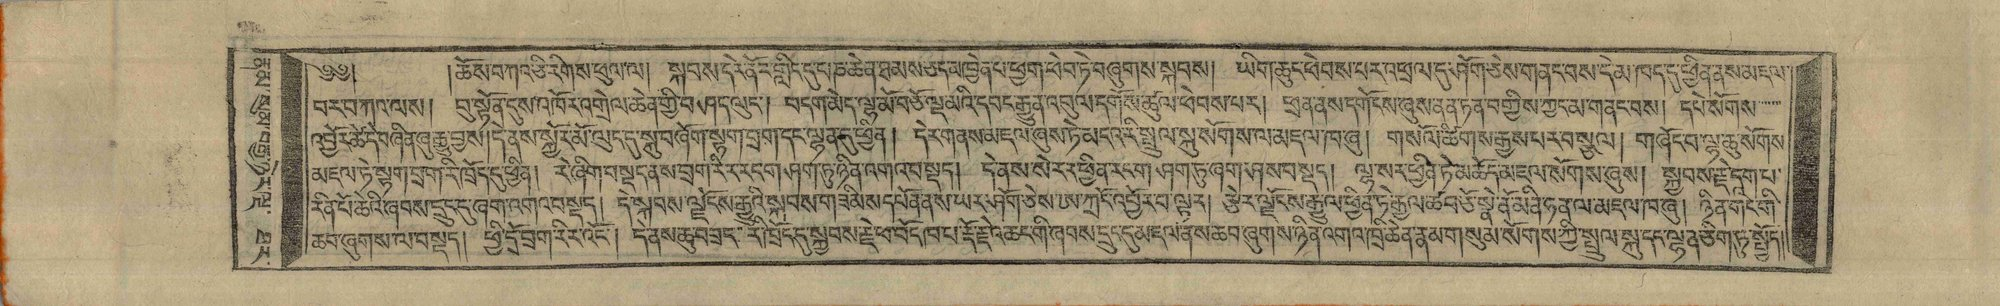༄༅། །ཆོས་བཀའ་ཅི་རིགས་ཕུལ་ལ། སྐབས་དེར་ནོར་གླིང་དུ་པཎ་ཆེན་ཐམས་ཅད་མཁྱེན་པ་ཕྱག་ཕེབ་ཏེ་བཞུགས་སྐབས། ཡིག་ཆུང་ཕེབས་པར་འཕྲལ་དུ་ཤོག་ཅེས་གནང་བས་དེ་མ་ཁད་དུ་ཕྱིན་ནས་མཇལ་
བར་བཀའ་ལས། བུ་སྟོན་དུས་འཁོར་འགྲེལ་ཆེན་གྱི་བཤད་ལུང་། བདག་མེད་ལྷ་མོ་བཅོ་ལྔ་མའི་དབང་རྒྱུན་འབུལ་དགོས་ཚུལ་ཕེབས་པར། ཕྲན་ནས་དགོངས་ཞུས་ནན་ཏན་བགྱིས་ཀྱང་མ་གནང་བས། དཔེ་སོགས་
འབྱོར་ཚེ་དེ་བཞིན་ཞུ་རྒྱུ་བྱས། དེ་ནས་སྐྱོར་མོ་ལུང་དུ་སྐུ་བཞོག་སྟག་བྲག་དང་ལྷན་དུ་ཕྱིན། དེར་གནས་མཇལ་ཞུས་ཏེ་མངའ་རི་སྤྲུལ་སྐུ་སོགས་ལ་མཇལ་ཁ་ཞུ། གསོལ་ཚིགས་རྒྱས་པར་བསྩལ། གཞོང་བ་ལྷ་ཆུ་སོགས་
མཇལ་ཏེ་སྟག་བྲག་རི་ཁྲོད་དུ་ཕྱིན། རེ་ཞིག་བསྡད་རིར་རང་གཤག་ཏུ་ཉིན་འགའ་བསྡད། དེ་ནས་སེ་རར་ཕྱིན་རང་གཤག་ཏུ་ཞག་ཤས་བསྡད། ལྷ་སར་ཕྱིན་ཏེ་མཆོད་མཇལ་སོགས་ཞུས། སྐྱབས་རྗེ་དཱག་པ་
རིན་པོ་ཆེའི་ཞབས་དྲུང་དུ་ཞག་འགའ་བསྡད། དེ་སྐབས་ལྗོངས་རྒྱུའི་སྐབས་གཟིམས་དཔོན་ནས་ཡར་ཤོག་ཅེས་ཨ་ཀྲོང་འབྱོར་བ་ལྟར། རྩེར་ལྗོངས་རྒྱུ་ལ་ཕྱིན་ཏེ་རྒྱལ་ཚབ་ཅོ་སྣེ་ནོ་མིན་ཧན་ལ་མཇལ་ཁ་ཞུ། ཉིན་གང་གི་
ཆབ་ཞུགས་ལ་བསྡད། ཕྱི་དྲོ་བྲག་རིར་འོང་། དེ་ནས་ཆུ་བཟང་རི་ཁྲོད་དུ་སྐྱབས་རྗེ་ཕ་བོང་ཁ་པ་རྡོ་རྗེ་འཆང་གི་ཞབས་དྲུང་དུ་མཇལ་ནས་ཆབ་ཞུགས་ཉིན་འགའ་ཁྲི་ཆེན་རྣམ་གསུམ་སོགས་ཀྱི་སྤྲུལ་སྐུ་དང་ལྷན་ཅིག་ཏུ་སྤྱོད།